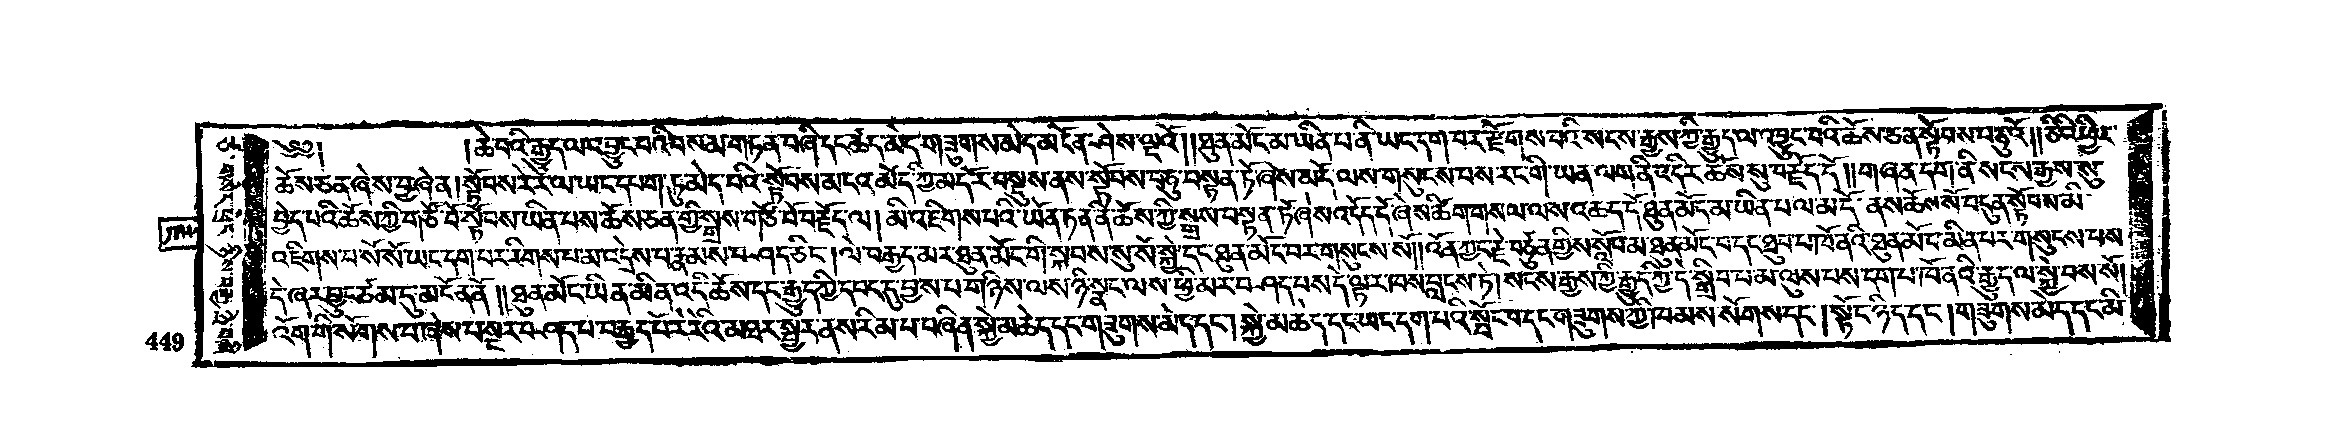༄༅། །ཆེ་བའི་རྒྱུད་ལ་འབྱུང་བའི་བསམ་གཏན་བཞི་དང་ཚད་མེད་གཟུགས་མེད་མངོན་ཤེས་ལྔའོ། །ཐུན་མོང་མ་ཡིན་པ་ནི་ཡང་དག་པར་རྫོགས་པའི་སངས་རྒྱས་ཀྱི་རྒྱུད་ལ་འབྱུང་བའི་ཆོས་ཅན་སྟོབས་བཅུའོ། །ཅིའི་ཕྱིར་
ཆོས་ཅན་ཞེས་བྱ་ཞེ་ན། སྟོབས་རེ་རེ་ལ་ཡང་དཔག་ཏུ་མེད་པའི་སྟོབས་མངའ་མོད་ཀྱི་མདོར་བསྡུས་ནས་སྟོབས་བཅུ་བསྟན་ཏོ་ཞེས་མདོ་ལས་གསུངས་པས་རང་གི་ཡན་ལག་ནི་འདིར་ཆོས་སུ་བརྗོད་དོ། །གཞན་དག་ནི་སངས་རྒྱས་སུ་
བྱེད་པའི་ཆོས་ཀྱི་གཙོ་བོ་སྟོབས་ཡིན་པས་ཆོས་ཅན་གྱི་སྒྲས་གཙོ་བོ་བརྗོད་ལ། མི་འཇིགས་པའི་ཡོན་ཏན་ནི་ཆོས་ཀྱི་སྒྲས་བསྟན་ཏོ་ཞེས་འདོད་དོ་ཞེས་ཚིག་གསལ་ལས་འཆད་དོ་ཐུན་མོང་མ་ཡིན་པ་ལ་མདོ་ནས་ཆོས་སོ་བདུན་སྟོབས་མི་
འཇིགས་པ་སོ་སོ་ཡང་དག་པར་རིགས་པ་མ་འདྲེས་པ་རྣམས་བཤད་ཅིང་། ལེ་བརྒྱད་མར་ཐུན་མོང་གི་སྐབས་སུ་སོ་སྐྱེ་དང་ཐུན་མོང་བར་གསུངས་སོ། །འོན་ཀྱང་རྗེ་བཙུན་གྱིས་སློབ་མ་ཐུན་མོང་བ་དང་ཐུབ་པ་ཁོ་ནའི་ཐུན་མོང་མིན་པར་གསུངས་པས་
དེ་ཞར་བྱུང་ཙམ་དུ་མངོན་ནོ། །ཐུན་མོང་ཡིན་མིན་འདི་ཆོས་དང་རྒྱུད་ཀྱི་དབང་དུ་བྱས་པ་གཉིས་ལས་ཉི་སྣང་ལས་ཕྱི་མར་བཤད་པས་དེ་ལྟར་ཁས་བླངས་ཏེ། སངས་རྒྱས་ཀྱི་རྒྱུད་ཀྱི་དེ་སྒྲིབ་པ་མ་ལུས་པས་དག་པ་ཁོ་ནའི་རྒྱུད་ལ་སྐྱེ་བས་སོ།
འོག་གི་སོགས་པ་ཞེས་པ་སྔར་བཤད་པ་བརྒྱད་པོ་རེ་རེའི་མཐར་སྦྱར་ནས་རིམ་པ་བཞིན་སྐྱེ་མཆེད་དང་གཟུགས་མེད་དང་། སྐྱེ་མཆེད་དང་ཡང་དག་པའི་སྤོང་བ་དང་གཟུགས་ཀྱི་ཁམས་སོགས་དང་། སྟོང་ཉིད་དང་། གཟུགས་མེད་དང་མི་